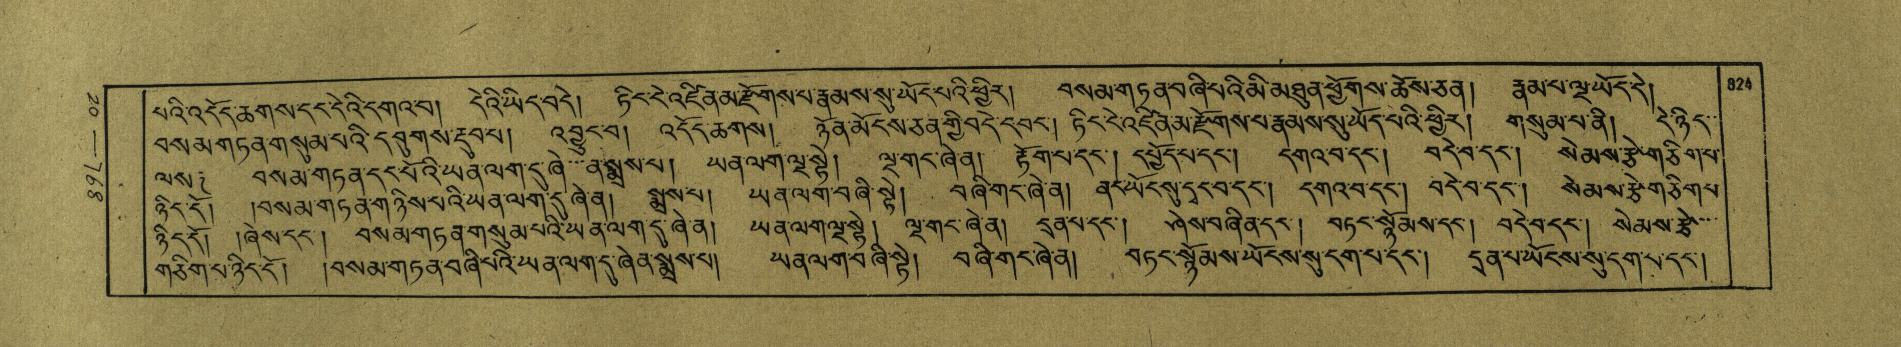པའི་འདོད་ཆགས་དང་དེའི་དགའ་བ། དེའི་ཡིད་བདེ། ཏིང་ངེ་འཛིན་མ་རྫོགས་པ་རྣམས་སུ་ཡོད་པའི་ཕྱིར། བསམ་གཏན་བཞི་པའི་མི་མཐུན་ཕྱོགས་ཆོས་ཅན། རྣམ་པ་ལྔ་ཡོད་དེ།
བསམ་གཏན་གསུམ་པའི་དབུགས་རྡུབ་པ། འབྱུང་བ། འདོད་ཆགས། ཉོན་མོངས་ཅན་གྱི་བདེ་དབང་། ཏིང་ངེ་འཛིན་མ་རྫོགས་པ་རྣམས་སུ་ཡོད་པའི་ཕྱིར། གསུམ་པ་ནི། དེ་ཉིད་
ཕ༹ླས༑ བསམ་གཏན་དང་པོའི་ཡན་ལག་དུ་ཞེ་ན་སྨྲས་པ། ཡན་ལག་ལྔ་སྟེ། ལྔ་གང་ཞེ་ན། རྟོག་པ་དང་། དཔྱོད་པ་དང་། དགའ་བ་དང་། བདེ་བ་དང་། སེམས་རྩེ་གཅིག་པ་
ཉིད་དོ། །བསམ་གཏན་གཉིས་པའི་ཡན་ལག་དུ་ཞེ་ན། སྨྲས་པ། །ཡན་ལག་བཞི་སྟེ། བཞི་གང་ཞེ་ན། ནང་ཡོད་སུ་དྭང་བ་དང་། དགའ་བ་དང་། བདེ་བ་དང་། སེམས་རྩེ་གཅིག་པ་
ཉིད་དོ། །ཞེས་དང་། བསམ་གཏན་གསུམ་པའི་ཡན་ལག་དུ་ཞེ་ན། ཡན་ལག་ལྔ་སྟེ། ལྔ་གང་ཞེ་ན། དྲན་པ་དང་། ཤེས་བཞིན་དང་། བཏང་སྙོམས་དང་། བདེ་བ་དང་། སེམས་རྩེ་
ཕ༹གཅིག་པ་ཉིད་དོ། །བསམ་གཏན་བཞི་པའི་ཡན་ལག་དུ་ཞེ་ན་སྨྲས་པ། ཡན་ལག་བཞི་སྟེ། བཞི་གང་ཞེ་ན། བཏང་སྙོམས་ཡོངས་སུ་དག་པ་དང་། དྲན་པ་ཡོངས་སུ་དག་པ་དང་།